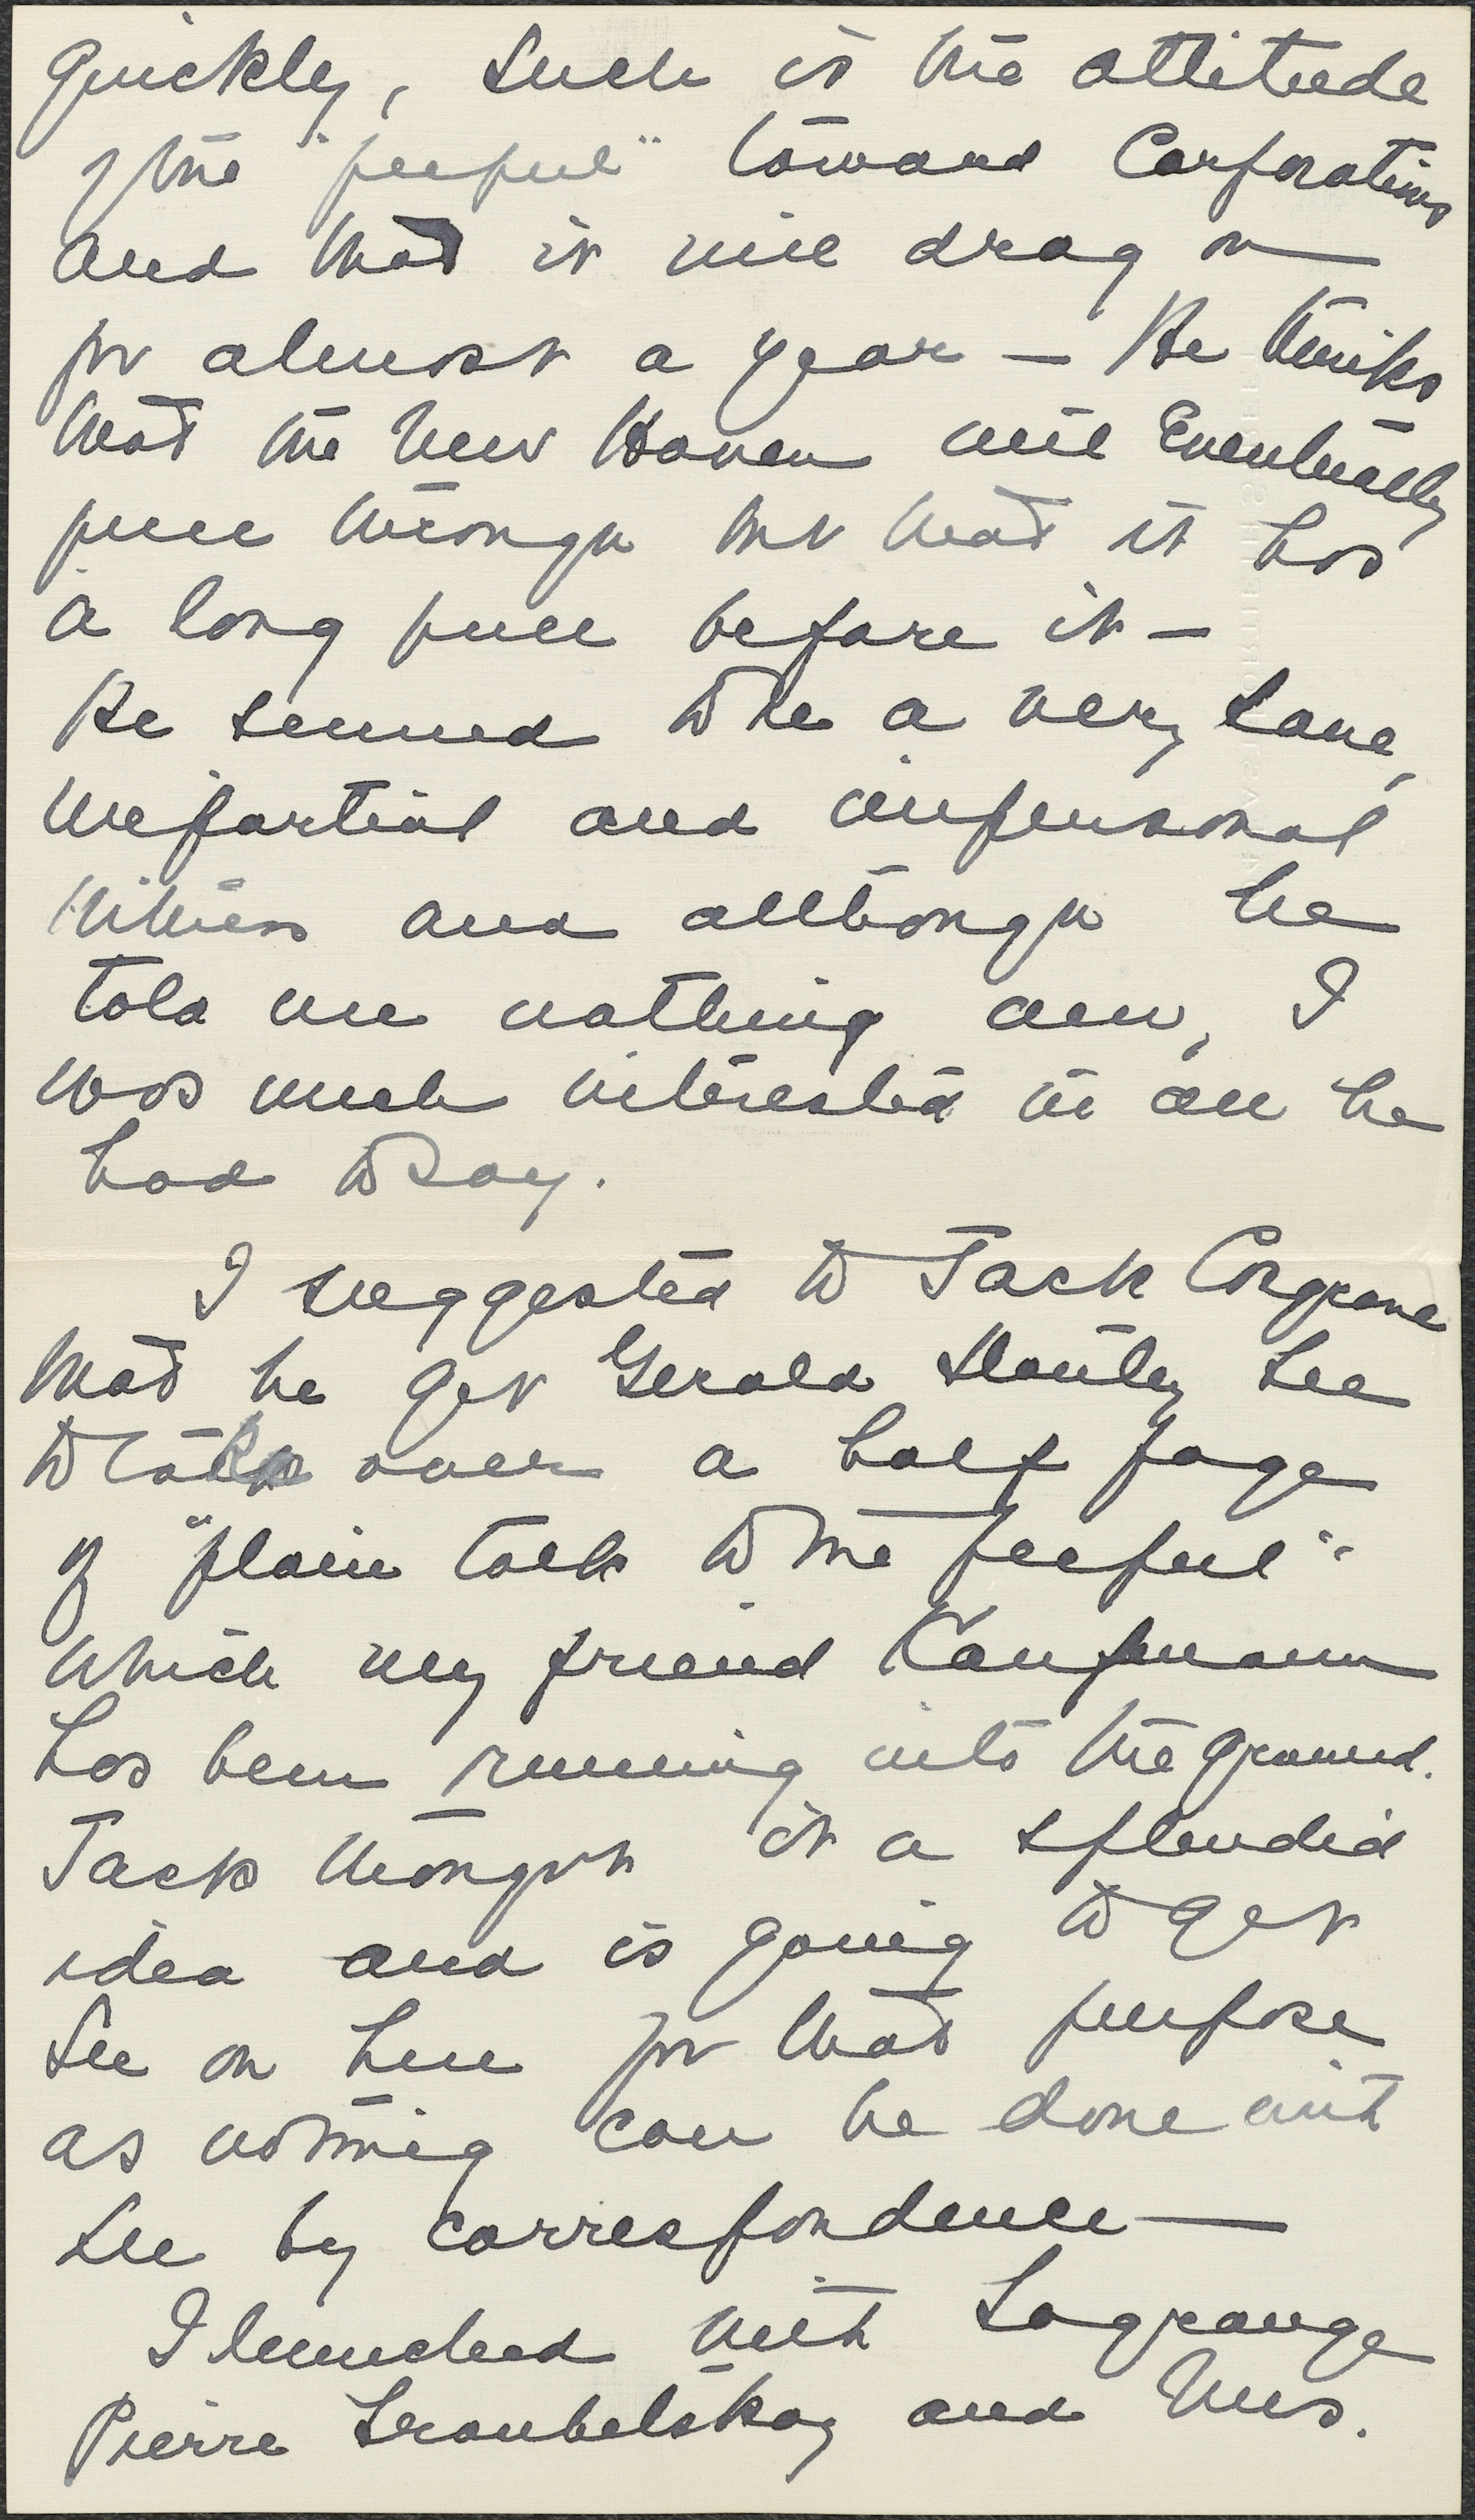quickly, such is the attitude of the “peepul” toward corporations and that it will drag on for almost a year – He thinks that the New Haven will eventually pull through but that it has a long pull before it –
He seemed to be a very sane, impartial and impersonal citizen and although he told me nothing new, I was much interested in all he had to say.
I suggested to Jack Cosgrave that he get Gerald Stanley Lee to take over a half page of “plain talk to the peepul” which my friend Kaufmann has been running into the ground. Jack thought it a splendid idea and is going to get Lee on here for that purpose as nothing can be done with Lee by correspondence –
I lunched with Lagrange Pierre Troubetskoy and Mrs.